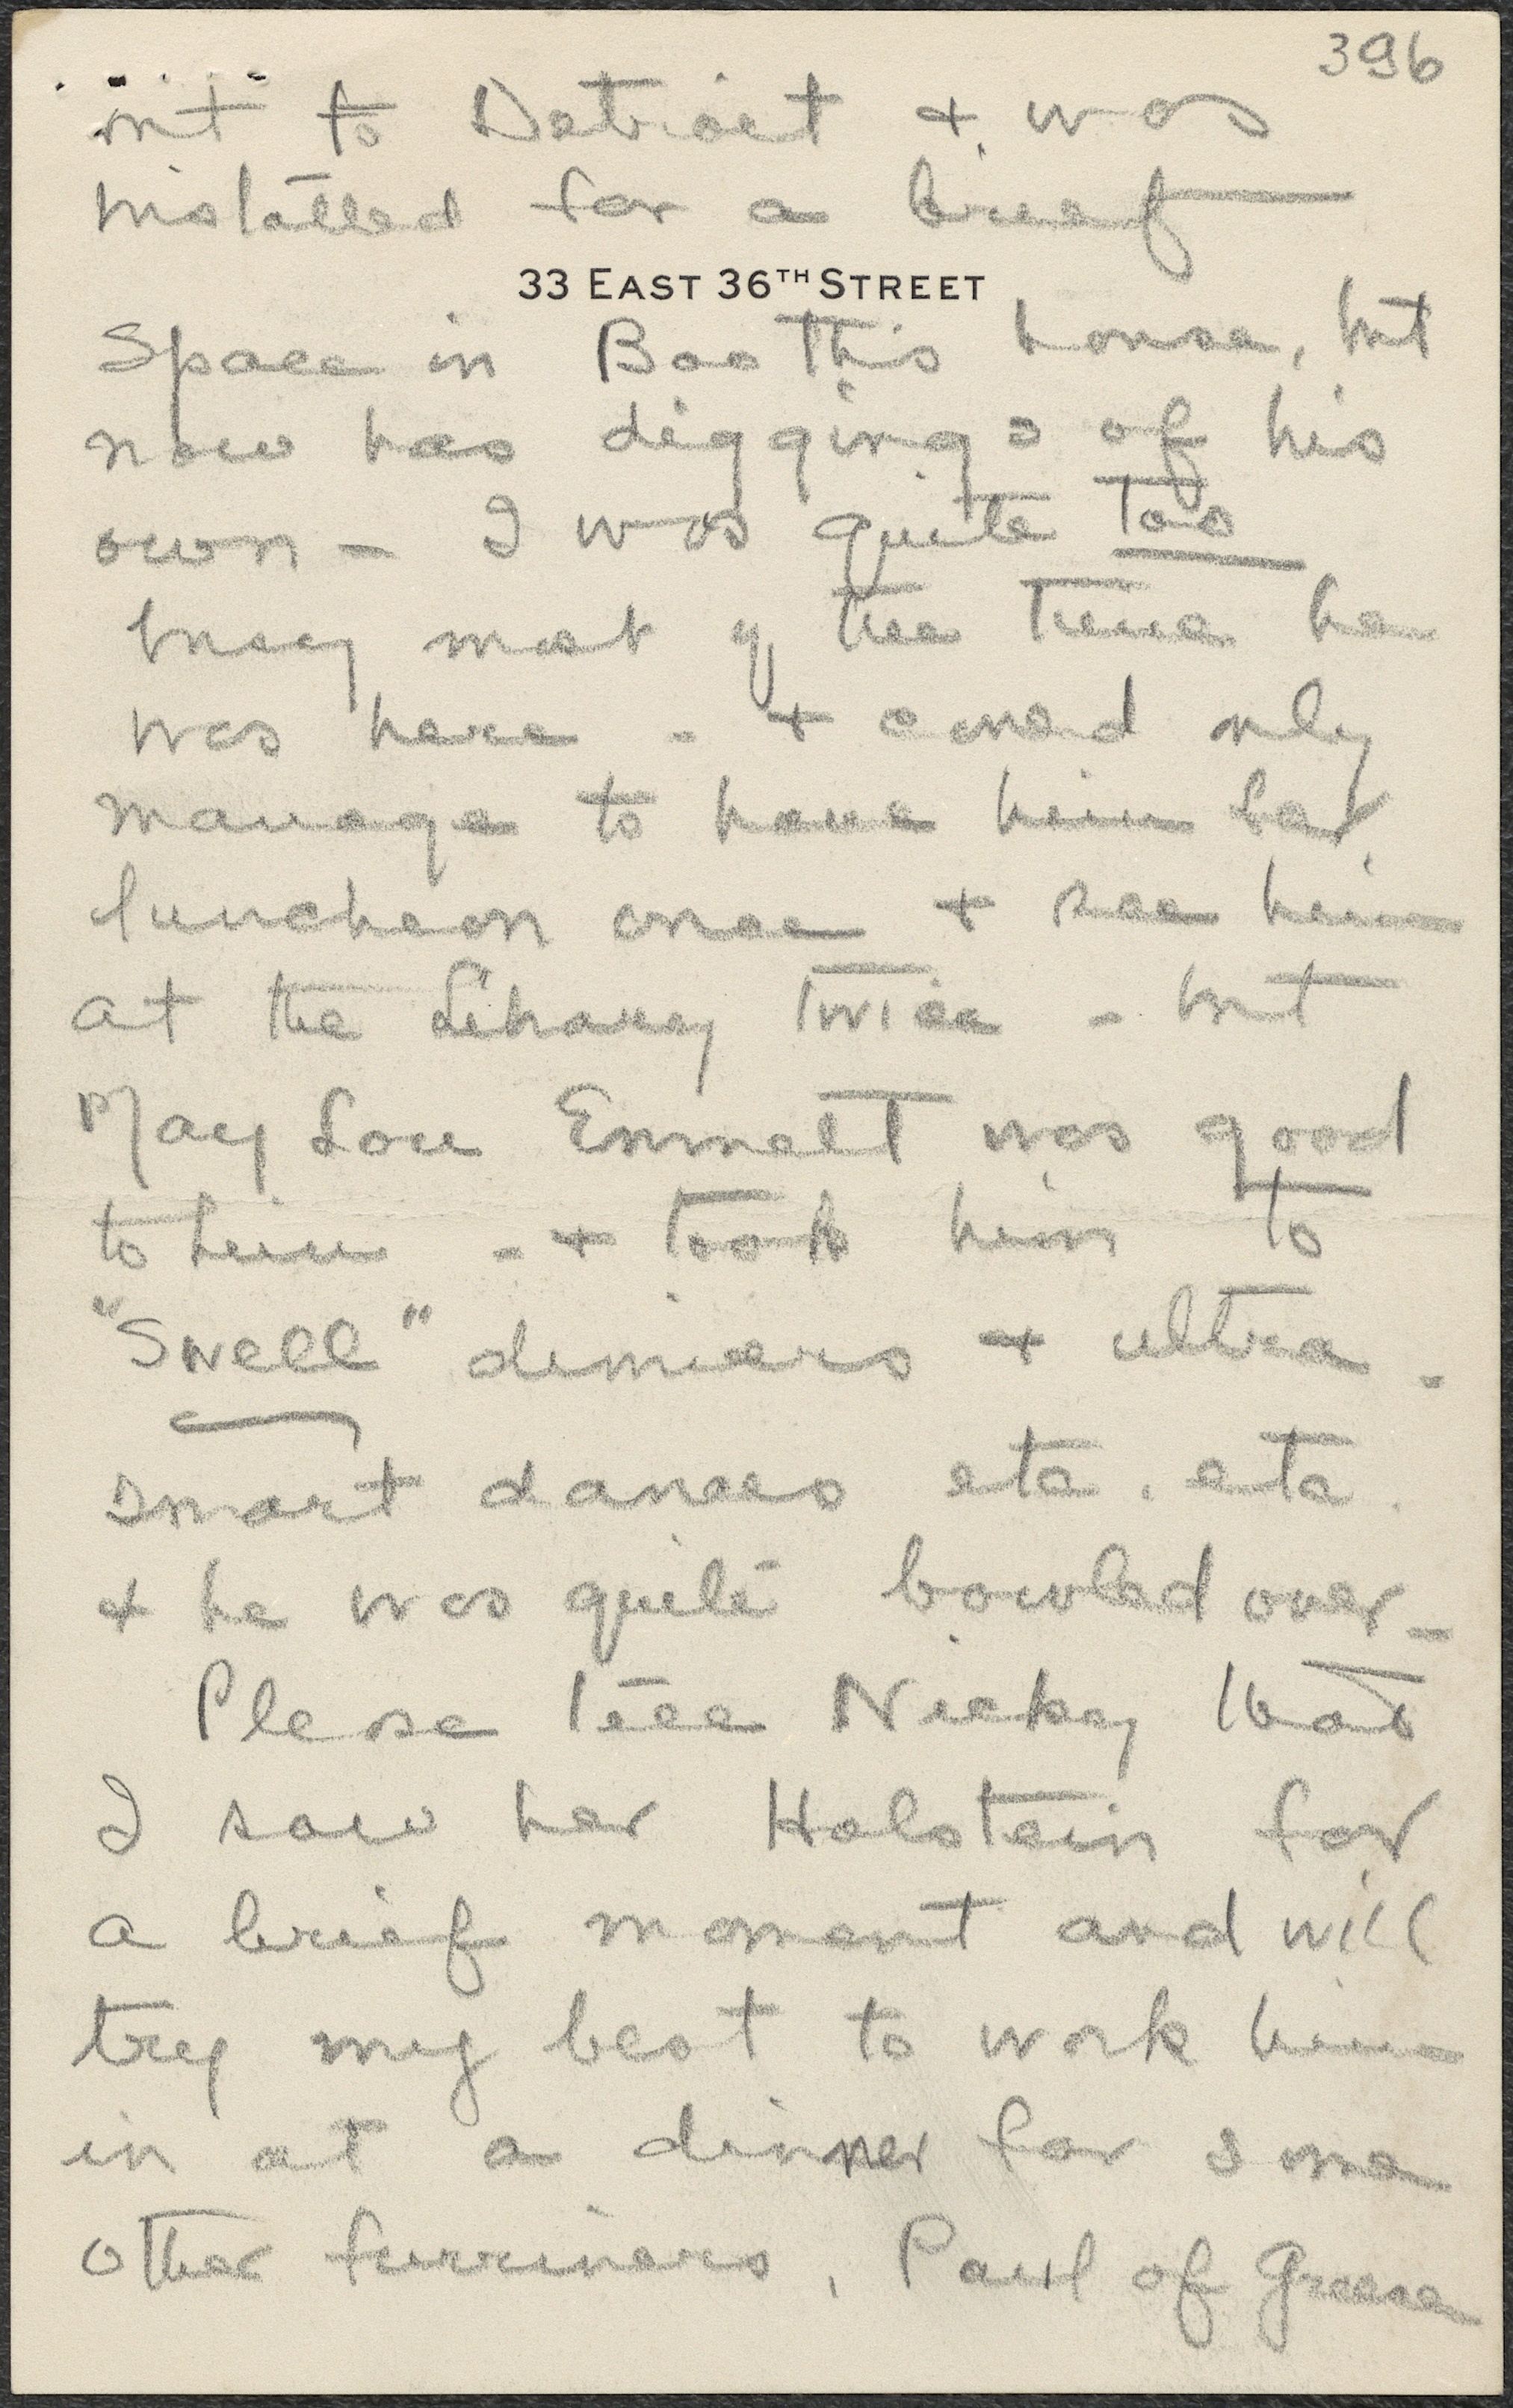out to Detroit & was installed for a brief space in Booth’s house, but now has diggings of his own – I was quite too busy most of the time he was here – & could only manage to have him for luncheon once & see him at the Library twice – but May Lou Emmett was good to him – & took him to “swell” dinners & ultrasmart dances etc. etc. & he was quite bowled over –
Please tell Nicky that I saw her Holstein for a brief moment and will try my best to work him in at a dinner for some other furriners, Paul of Greece